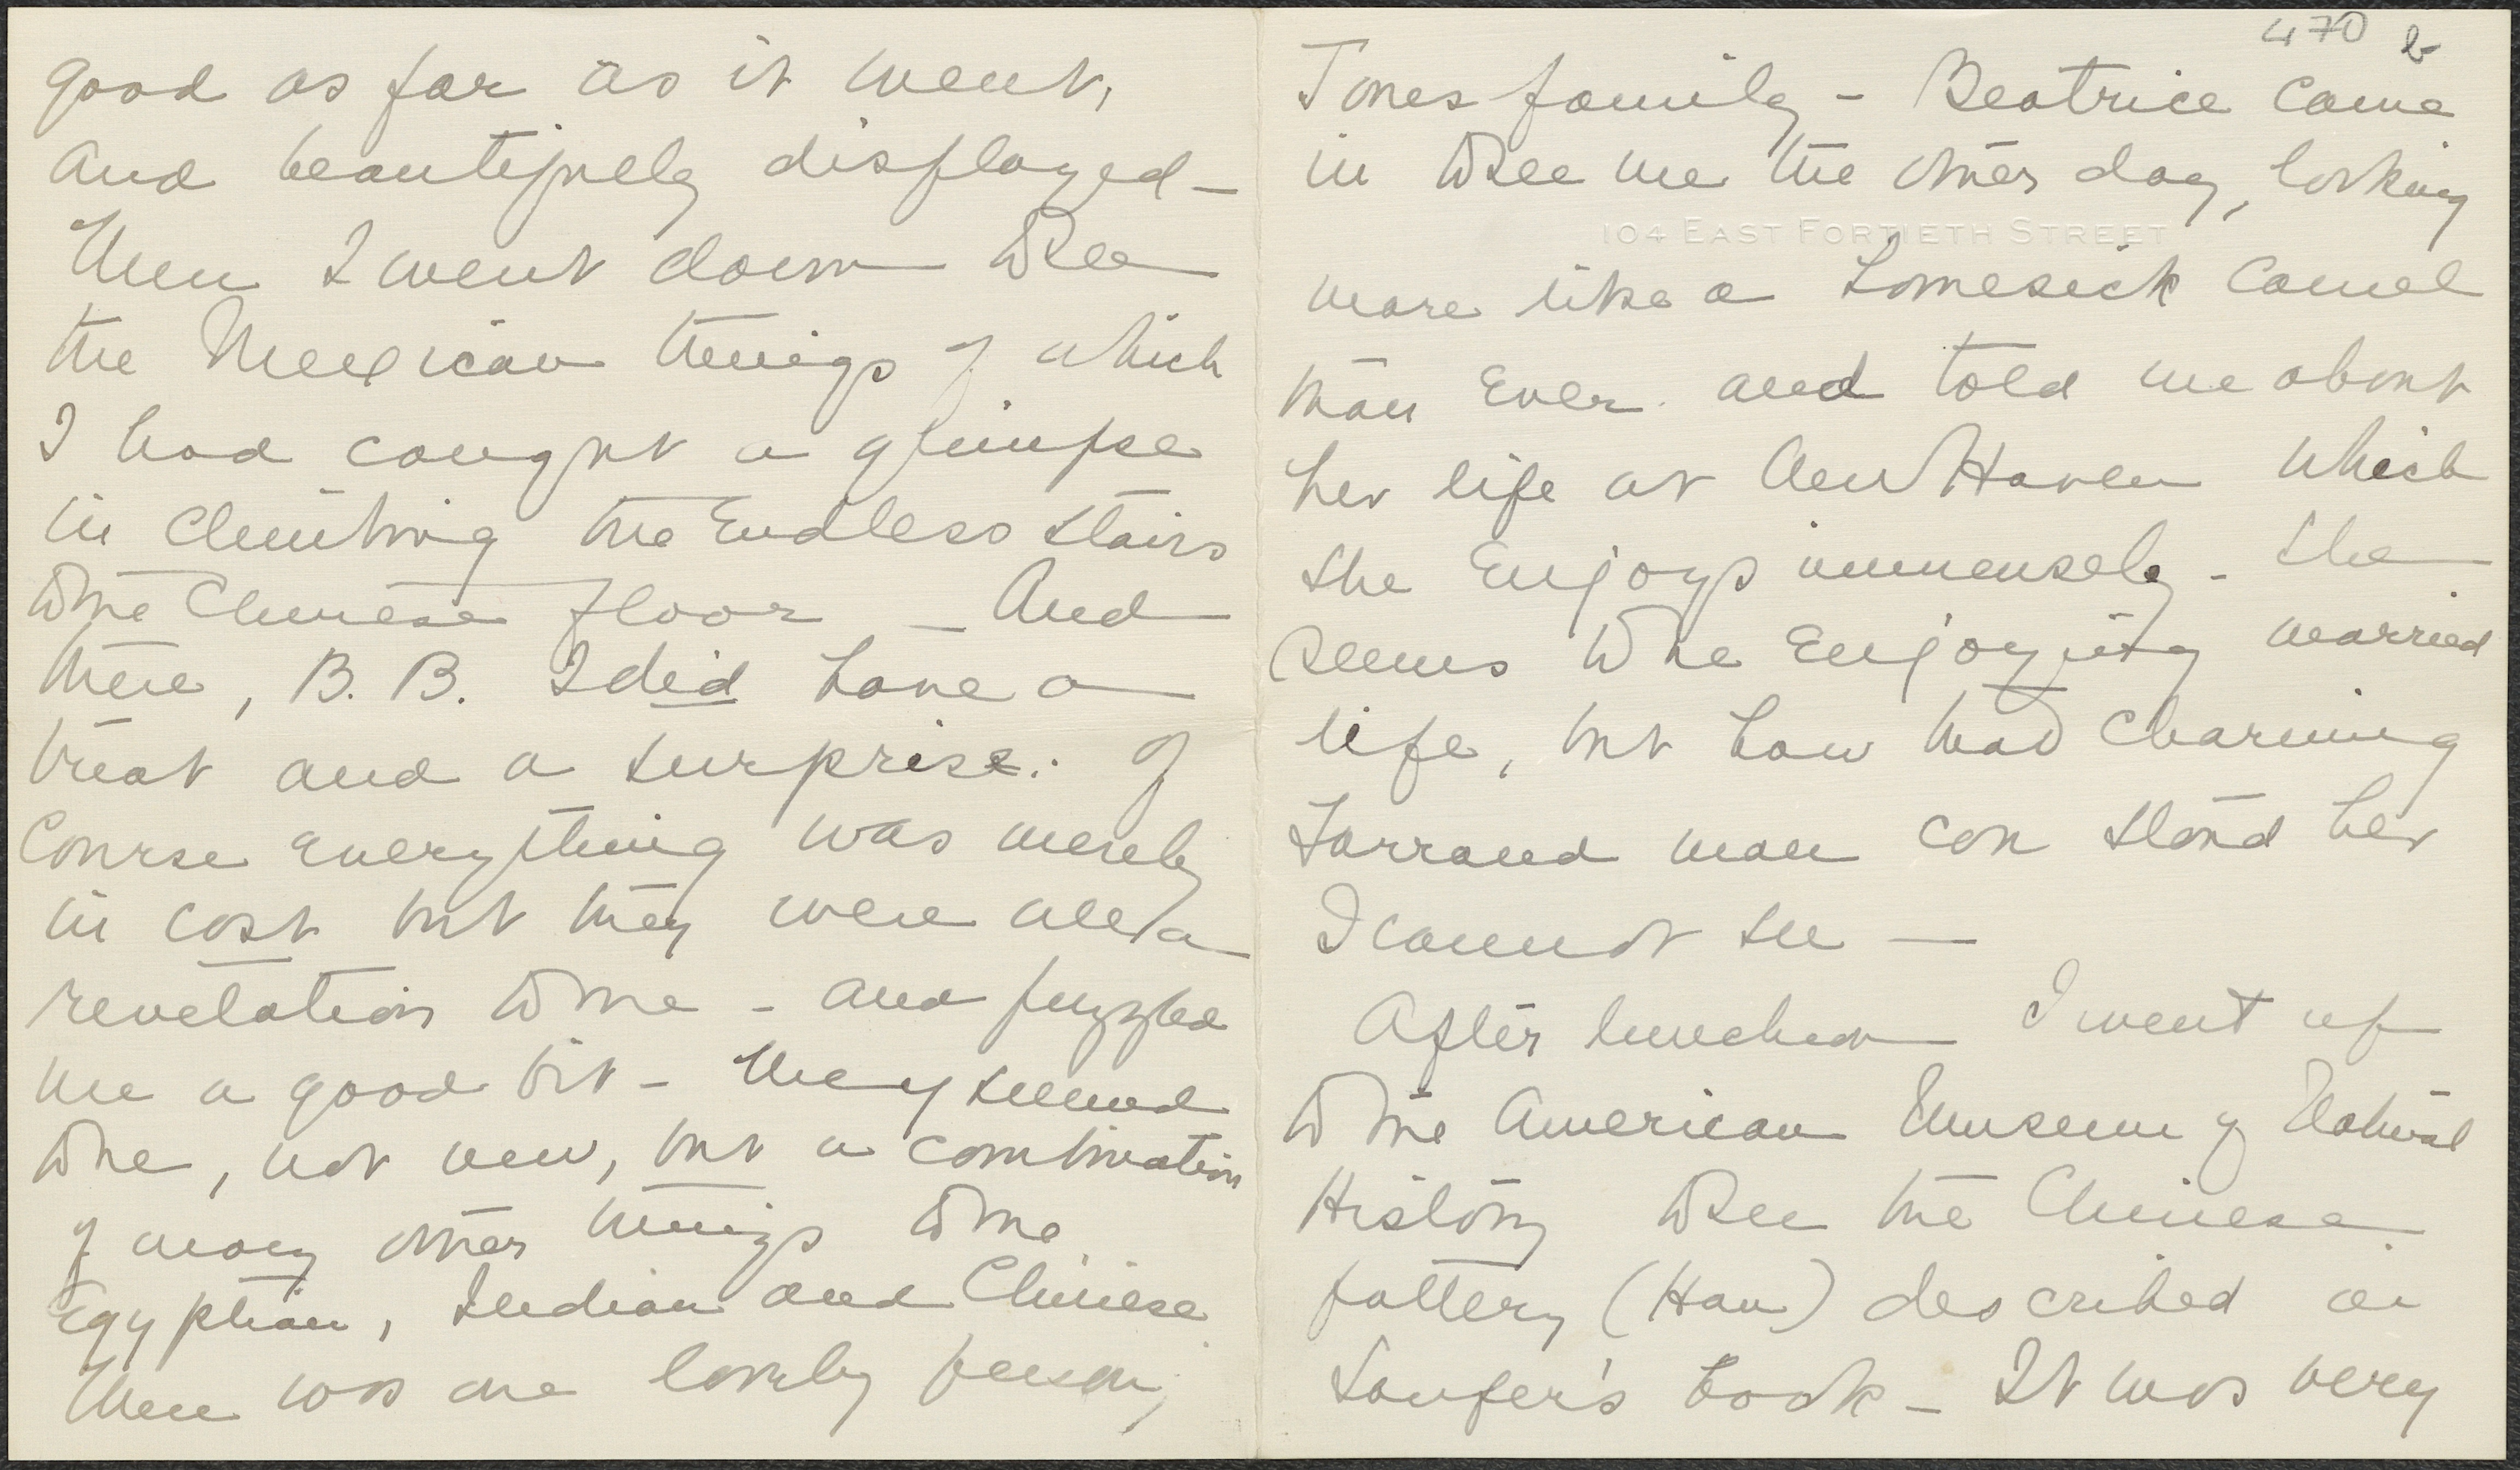Jones family – Beatrice came in to see me the other day, looking more like a homesick camel than ever and told me about her life at New Haven which she enjoys immensely – She seems to be enjoying married life, but how that charming Farrand man can stand her I cannot see –
After luncheon I went up to the American Museum of Natural History to see the Chinese pottery (Han) described in Laufer’s book – It was very
good as far as it went, and beautifully displayed – Then I went down to see the Mexican things of which I had caught a glimpse in climbing the endless stairs to the Chinese floor – And there, B.B. I did have a treat and a surprise. Of course everything was merely in cast but they were all a revelation to me – and puzzled me a good bit – they seemed to be, not new, but a combination of many other things to me. Egyptian, Indian and Chinese. There was one lovely person,